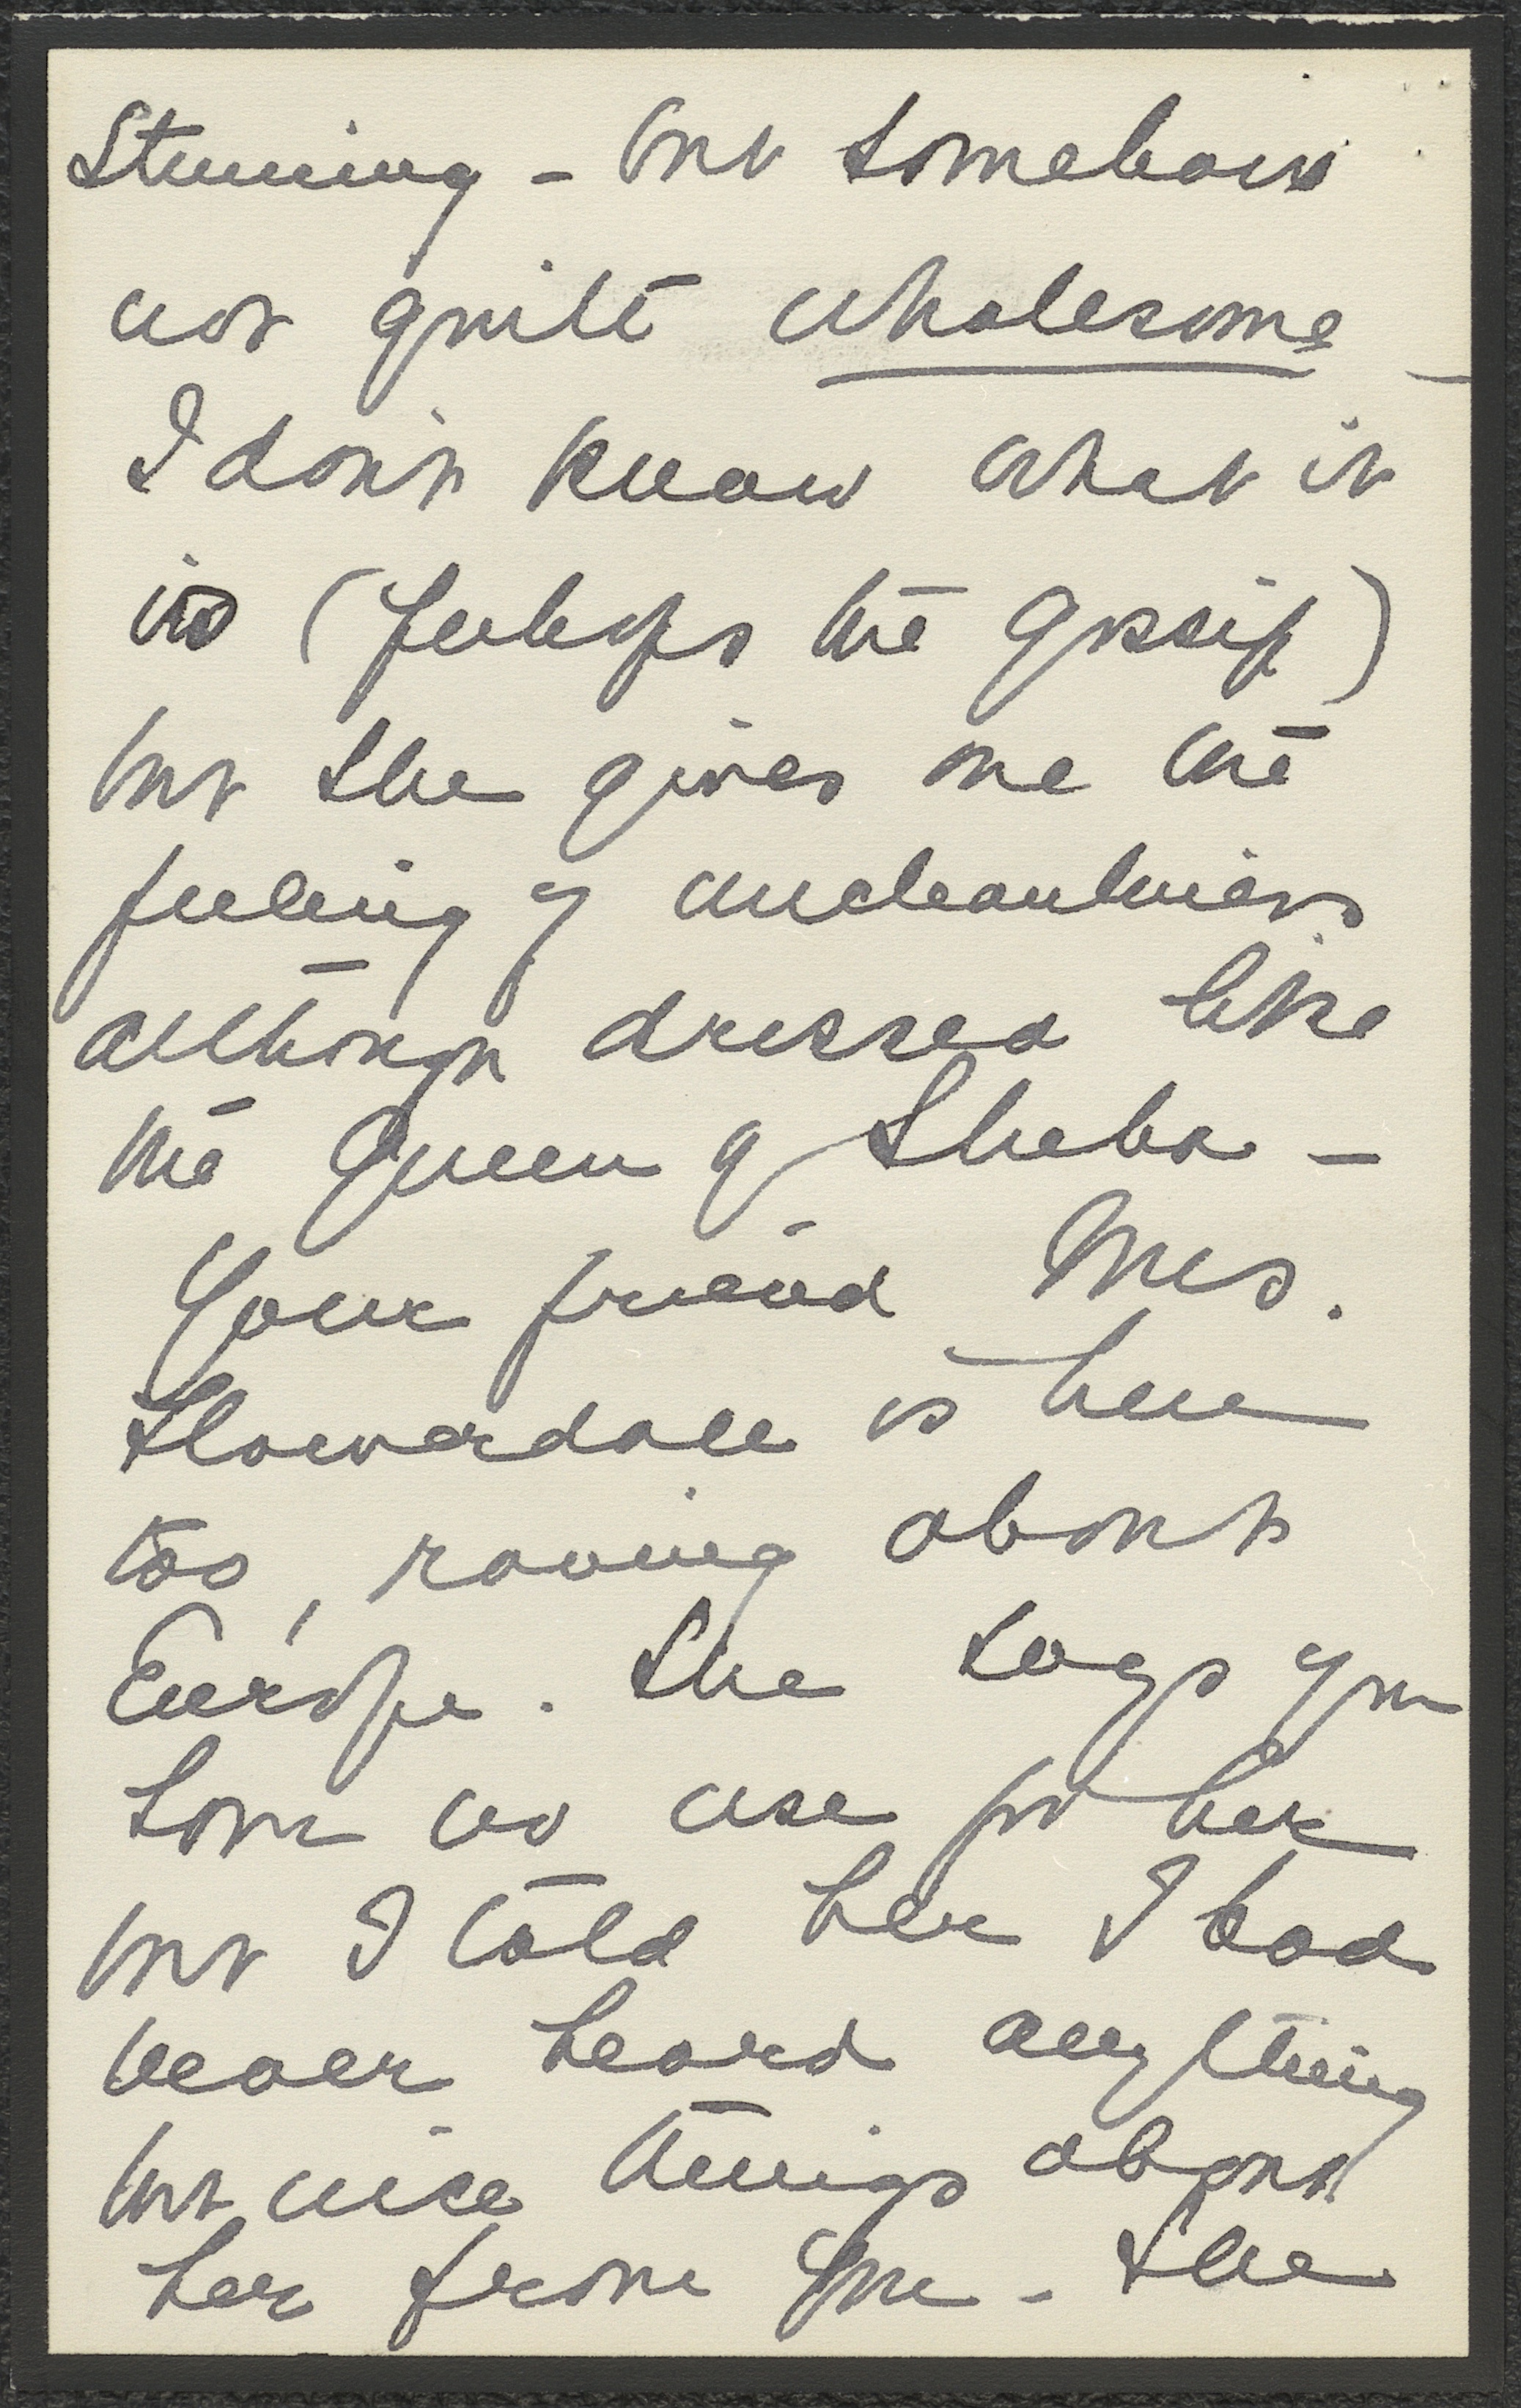stunning – but somehow not quite wholesome – I don’t know what it is (perhaps the gossip) but she gives me the feeling of uncleanliness although dressed like the Queen of Sheba –
Your friend Mrs. Flowerdale is here too, raving about Europe. She says you have no use for her but I told her I had never heard anything but nice things about her from you – She